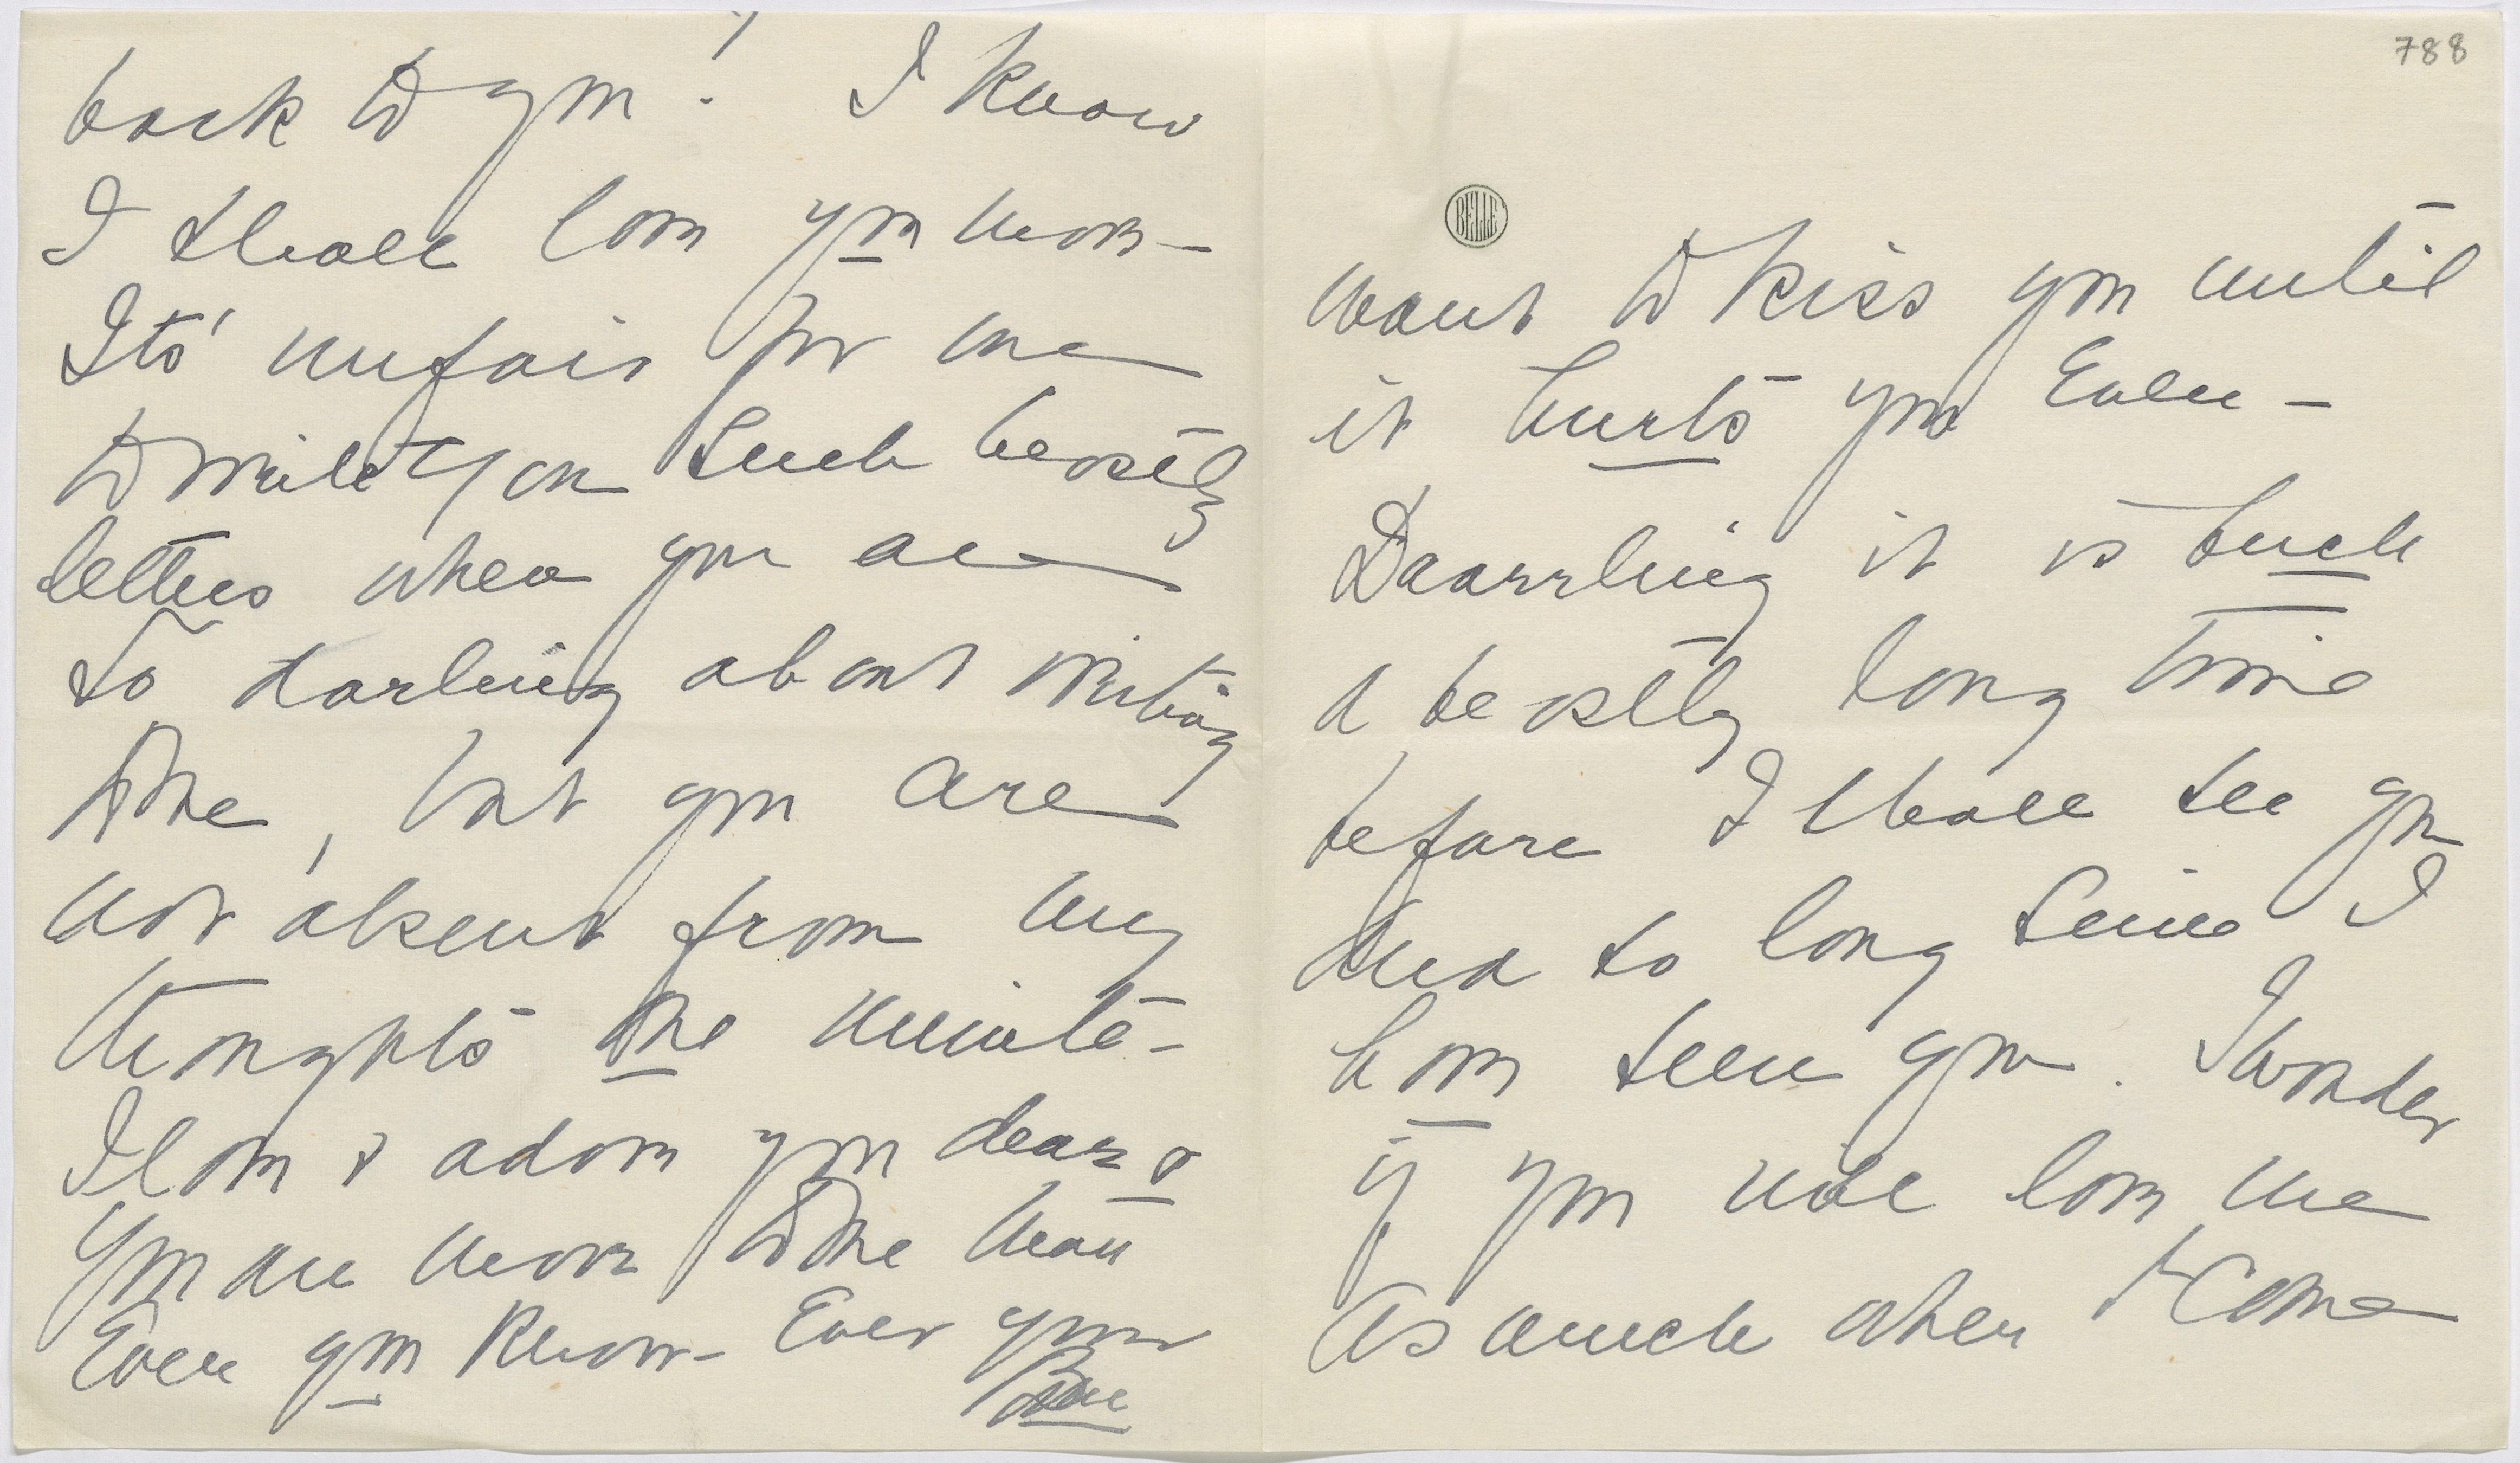want to kiss you until it hurts you even –
Daarrling it is such a beastly long time before I shall see you and so long since I have seen you. I wonder if you will love me as much when I come
back to you? I know I shall love you more – It’s unfair for me to write you such beastly letters when you are so darling about writing to me, but you are not absent from my thoughts one minute – I love & adore you dear & You are more to me than even you know – Ever your
Belle